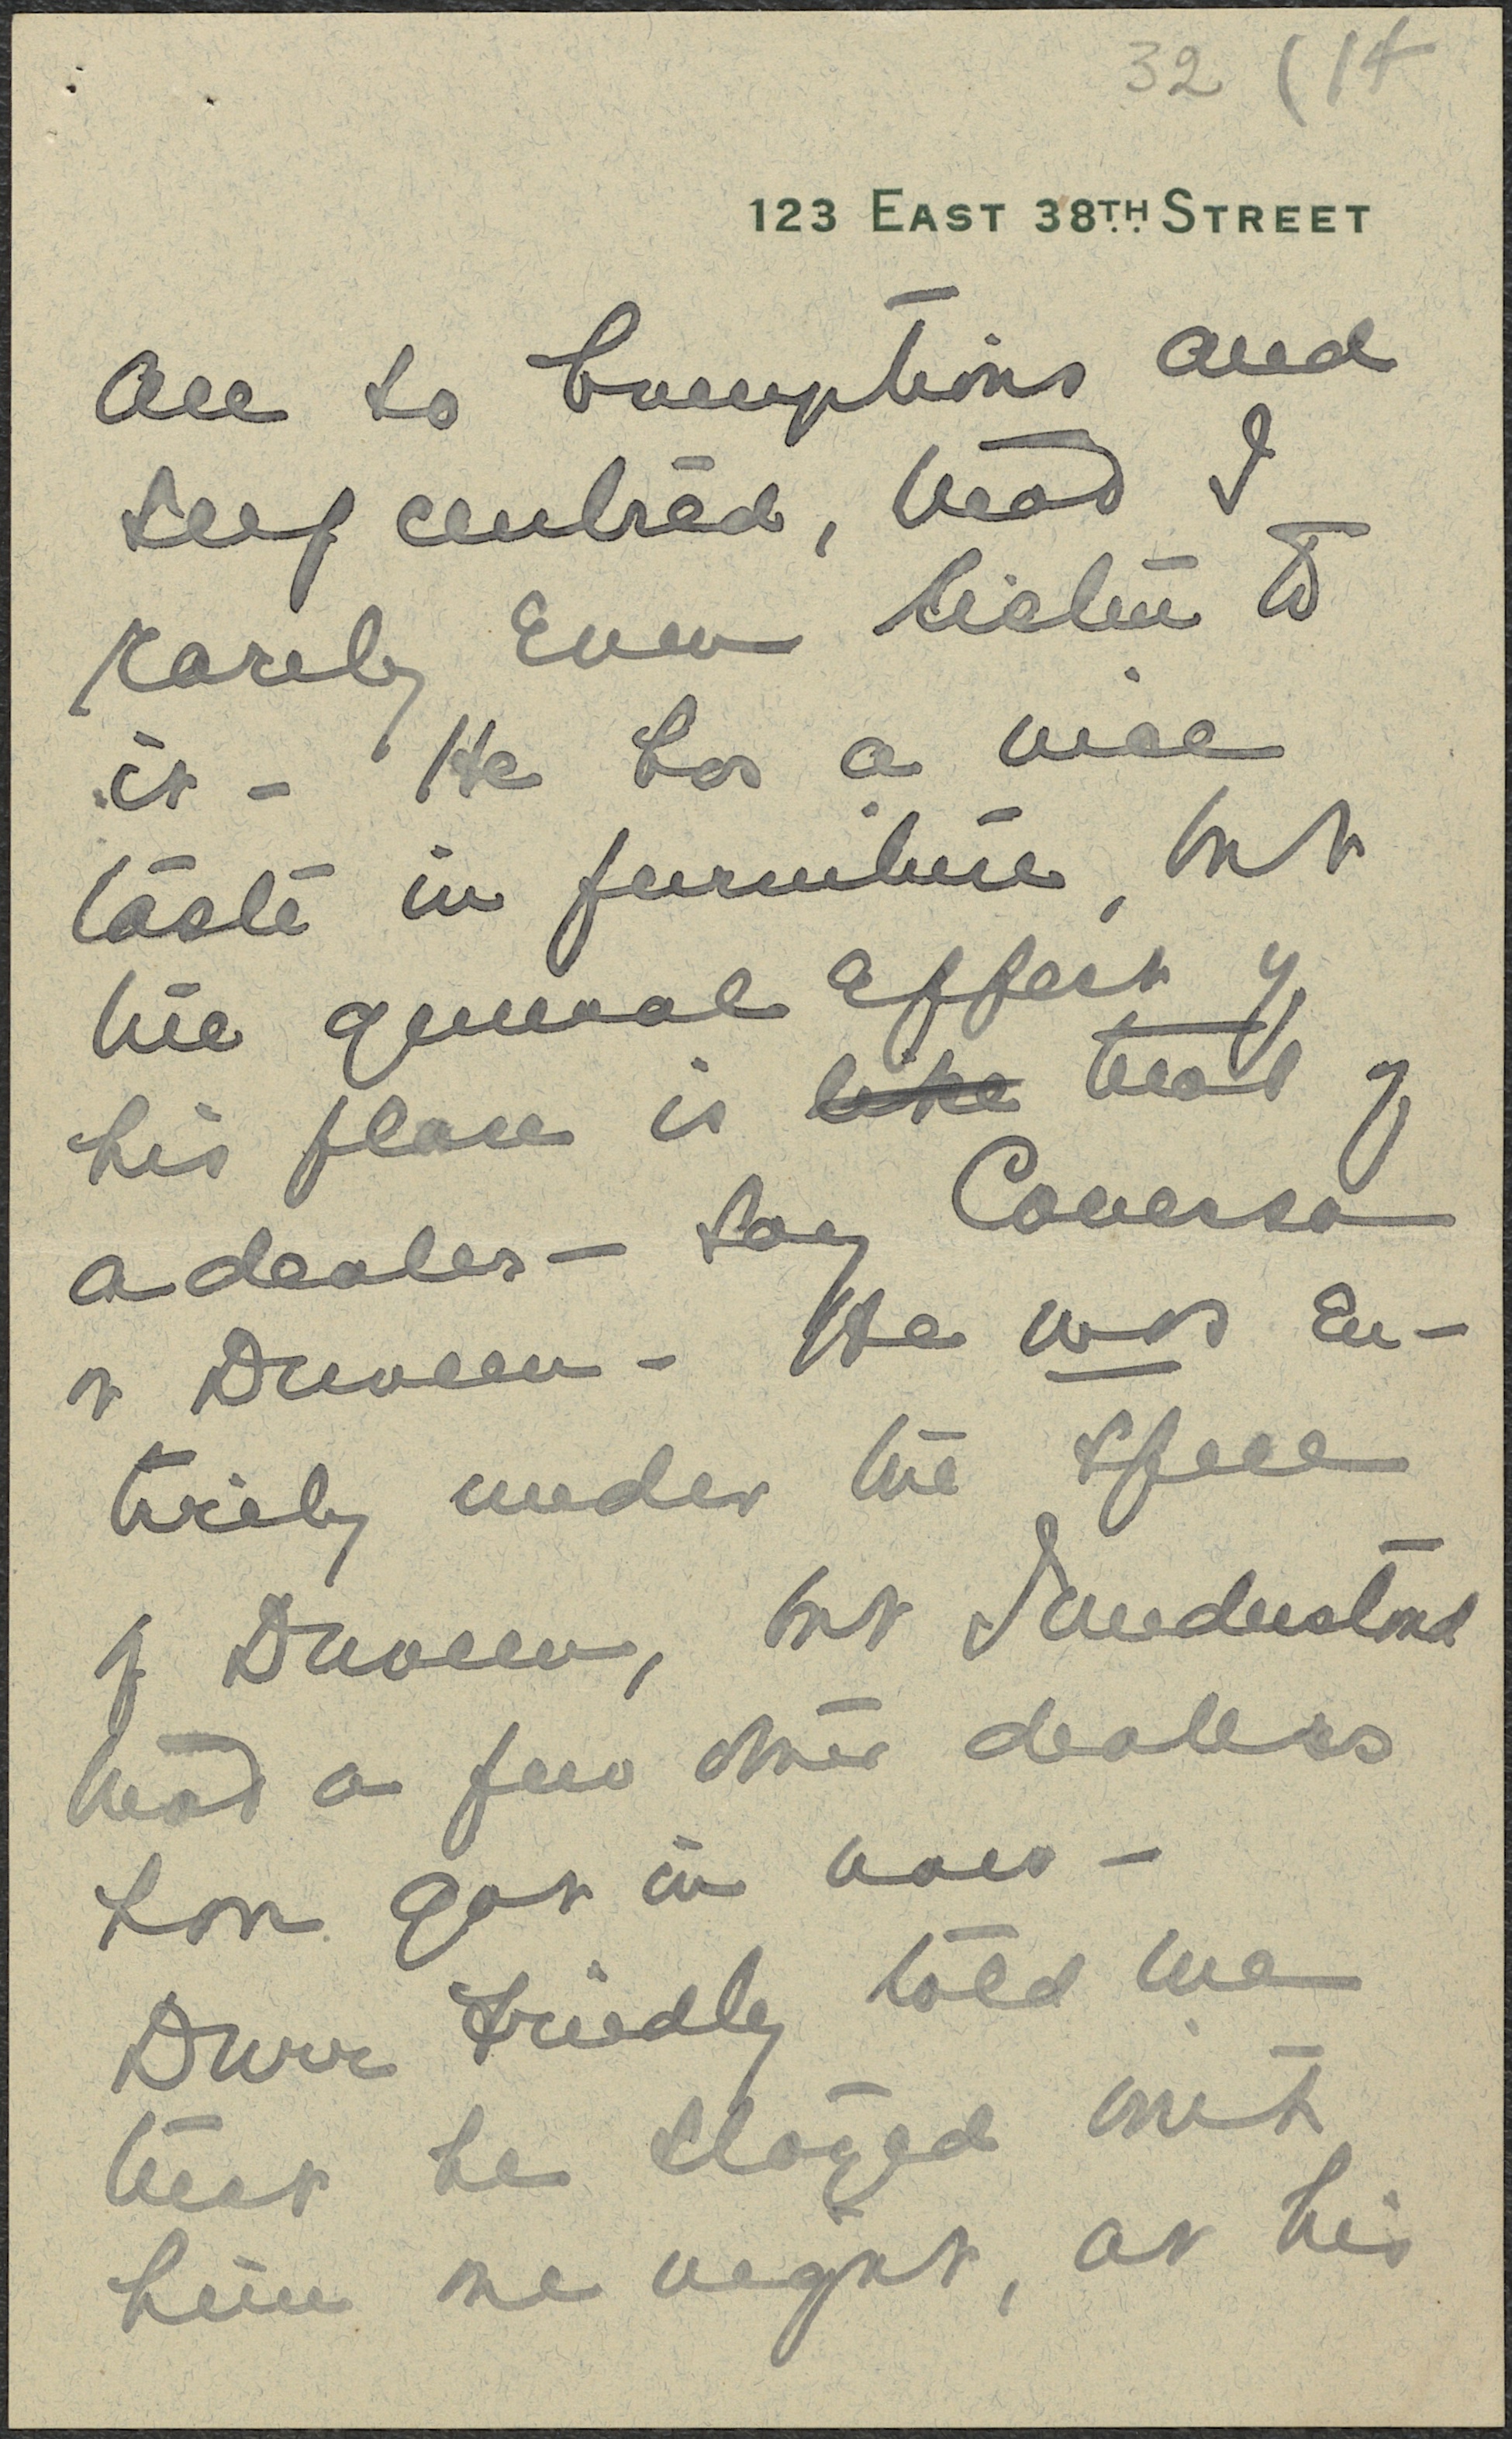all so bumptious and self centred, that I rarely even listen to it – He has a nice taste in furniture, but the general effect of his place is like that of a dealer – say Coverse or Duveen – He was entirely under the spell of Duveen, but I understand that a few other dealers have got in now –
Durr Friedley [sic] told me that he stayed with him one night, at his